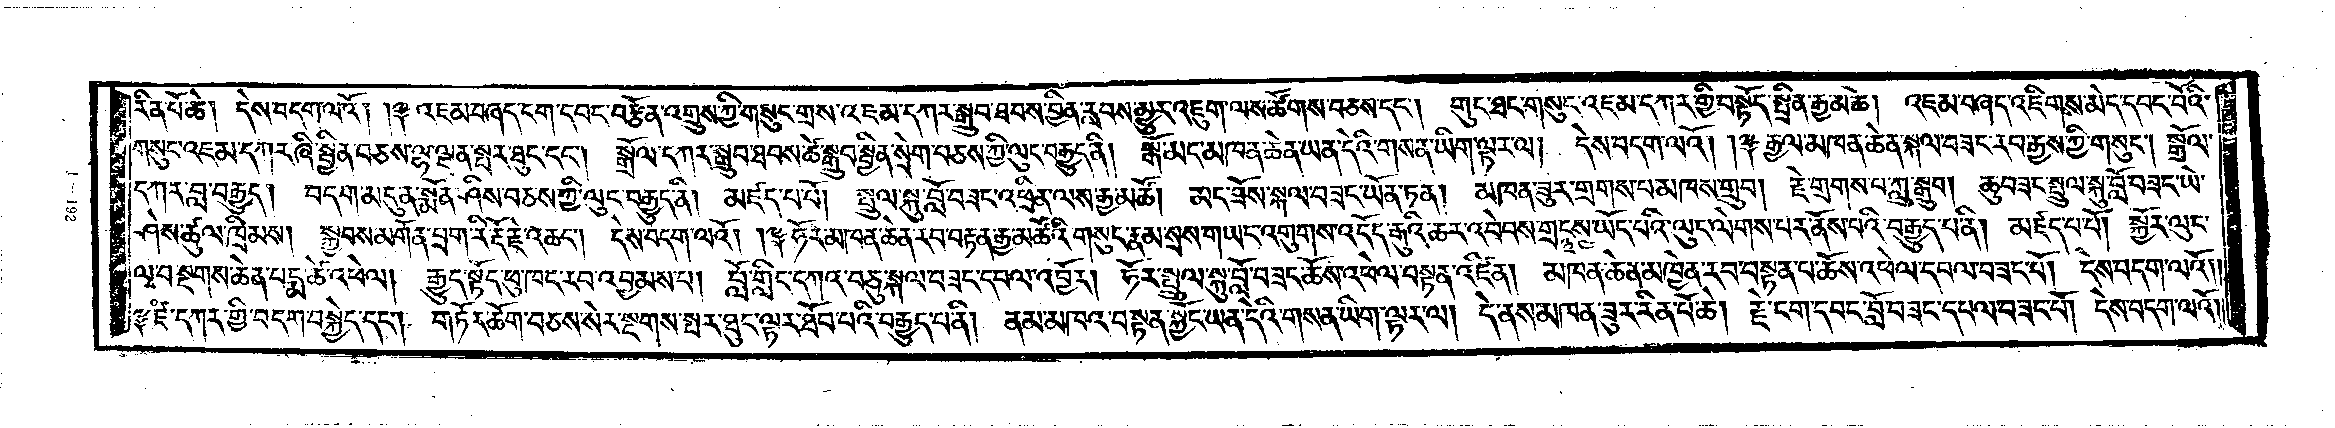རིན་པོ་ཆེ། དེས་བདག་ལའོ། ། ༈ འཇམ་བཞད་ངག་དབང་བརྩོན་འགྲུས་ཀྱི་གསུང་གྲས་འཇམ་དཀར་སྒྲུབ་ཐབས་བྱིན་རླབས་མྱུར་འཇུག་ལས་ཚོགས་བཅས་དང་། གུང་ཐང་གསུང་འཇམ་དཀར་གྱི་བསྟོད་སྤྲིན་རྒྱ་མཚོ། འཇམ་བཞད་འཇིགས་མེད་དབང་པོའི་
གསུང་འཇམ་དཀར་ཞི་སྦྱིན་བཅས་ལྷ་ལྡན་སྤར་ཐུང་དང་། སྒྲོལ་དཀར་སྒྲུབ་ཐབས་ཚེ་སྒྲུབ་སྦྱིན་སྲེག་བཅས་ཀྱི་ལུང་བརྒྱུད་ནི། སྒོ་མང་མཁན་ཆེན་ཡན་དེའི་གསན་ཡིག་ལྟར་ལ། དེས་བདག་ལའོ། ། ༈ རྒྱལ་མཁན་ཆེན་སྐལ་བཟང་རབ་རྒྱས་ཀྱི་གསུང་། སྒྲོལ་
དཀར་བླ་བརྒྱུད། བདག་མདུན་སྨོན་ཤིས་བཅས་ཀྱི་ལུང་བརྒྱུད་ནི། མཛད་པ་པོ། སྤྲུལ་སྐུ་བློ་བཟང་འཕྲིན་ལས་རྒྱ་མཚོ། མང་ཟོས་སྐལ་བཟང་ཡོན་ཏན། མཁན་ཟུར་གྲགས་པ་མཁས་གྲུབ། རྗེ་གྲགས་པ་ཀླུ་སྒྲུབ། ཆུ་བཟང་སྤྲུལ་སྐུ་བློ་བཟང་ཡེ་
ཤེས་ཚུལ་ཁྲིམས། སྐྱབས་མགོན་བྲག་རི་རྡོ་རྗེ་འཆང་། དེས་བདག་ལའོ། ། ༈ ཧོར་མཁན་ཆེན་རབ་བརྟན་རྒྱ་མཚོའི་གསུང་རྣམ་སྲས་གཡང་འགུགས་འདོད་རྒུའི་ཆར་འབེབས་གྲངས༣༤་ཡོད་པའི་ལུང་ལེགས་པར་ནོས་པའི་བརྒྱུད་པ་ནི། མཛད་པ་པོ། སྐྱོར་ལུང་
ལྭ་བ་སྔགས་ཆེན་པདམ་ཚེ་འཕེལ། རྒྱུད་སྟོད་ཕུ་ཁང་རབ་འབྱམས་པ། བློ་གླིང་དཀའ་བཅུ་སྐལ་བཟང་དཔལ་འབྱོར། ཧོར་སྤྲུལ་སྐུ་བློ་བཟང་ཆོས་འཕེལ་བསྟན་འཛིན། མཁན་ཆེན་མཁྱེན་རབ་བསྟན་པ་ཆོས་འཕེལ་དཔལ་བཟང་པོ། དེས་བདག་ལའོ།།
༈ ཛཾ་དཀར་གྱི་བདག་བསྐྱེད་དང་། གཏོར་ཆོག་བཅས་སེར་སྔགས་སྤར་ཐུང་ལྟར་ཐོབ་པའི་བརྒྱུད་པ་ནི། ནམ་མཁའ་བསྟན་སྐྱོང་ཡན་དེའི་གསན་ཡིག་ལྟར་ལ། དེ་ནས་མཁན་ཟུར་རིན་པོ་ཆེ། རྗེ་ངག་དབང་བློ་བཟང་དཔལ་བཟང་པོ། དེས་བདག་ལའོ།།